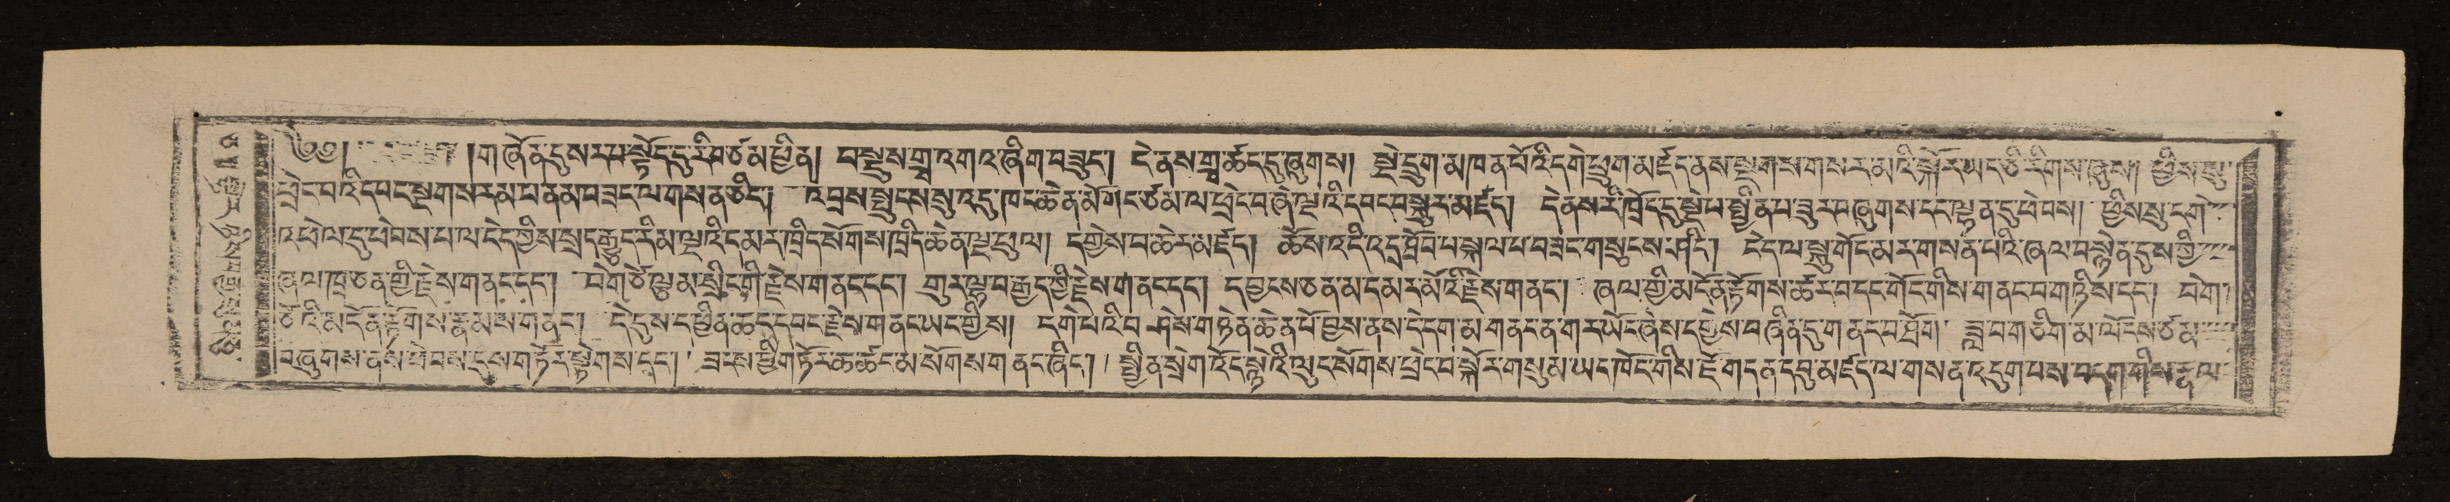༄༅། །གཞོན་དུས་རབ་སྟོད་དུ་རི་བ་ཙམ་ཕྱིན། བསྡུས་གྲྭ་འགའ་ཞིག་བཟུང་། དེ་ནས་གྲྭ་ཚང་དུ་ཞུགས། སྡེ་དྲུག་མཁན་པོའི་དགེ་ཕྲུག་མཛད་ནས་སྔགས་གསར་མའི་སྐོར་ཡང་ཅི་རིགས་ཞུས། ཕྱིས་སུ་
ཕྲེང་བའི་དབང་སྔགས་རམ་པ་ནམ་བཟང་ལ་གསན་ཅིང་། འབྲས་སྤུངས་སུ་འདུ་ཁང་ཆེན་མོ་གང་ཙམ་ལ་ཕྲེང་བ་ཞེ་ལྔའི་དབང་བསྐུར་མཛད། དེ་ནས་རི་ཁྲོད་དུ་སྡེ་པ་སྦྱིན་པ་ཟུར་བཞུགས་དང་ལྷན་དུ་ཕེབས། ཕྱིས་སུ་དགེ་
འཕེལ་དུ་ཕེབས་པ་ལ་ངེད་ཀྱིས་སྲད་རྒྱུད་རིམ་ལྔའི་དམར་ཁྲིད་སོགས་ཁྲིད་ཆེན་ལྔ་ཕུལ། དགྱེས་པ་ཆེར་མཛད། ཆོས་འདི་འདྲ་ཐོབ་པ་སྐལ་པ་བཟང་གསུངས་ཤིང་། ངེད་ལ་སྐུ་གོང་མར་གསན་པའི་ཞལ་བསྙེན་དུས་ཀྱི་
ཞལ་ཁྲ་ཅན་གྱི་རྗེས་གནང་དང་། བེག་ཙེ་ལྕམ་སྲིང་གི་རྗེས་གནང་དང་། གུང་ལྷ་བརྒྱད་ཀྱི་རྗེས་གནང་དང་། དབྱངས་ཅན་མ་དམར་མོའི་རྗེས་གནང་། ཞལ་གྱི་མངོན་རྟོགས་ཚར་བ་དང་གོང་གིས་གནང་བ་གཉིས་དང་། བེག་
ཙེའི་མངོན་རྟོགས་རྣམས་གནང་། དེ་དུས་ད་ཕྱིན་ཆད་དབང་རྗེས་གནང་ཡང་གྱིས། དགེ་བའི་བཤེས་གཉེན་ཆེན་པོ་བྱས་ནས་དེ་དག་མ་གནང་ན་གར་ཡོང་ཞེས་དགྱེས་བཞིན་དུ་གནང་བ་ཐོབ། ཟླ་བ་གཅིག་མ་ལོངས་ཙམ་
བཞུགས་ནས་ཕེབས་དུས་གཏོར་སྟེགས་དང་། ཟངས་ཀྱི་གཏོར་ཆ་ཚང་མ་སོགས་གནང་ཞིང་། སྦྱིན་སྲེག་འོད་སྙེའི་ལུང་སོགས་ཕྲེང་བ་སྐོར་གསུམ་ཡང་ཁོང་གིས་ཇོ་གདན་དབུ་མཛད་ལ་གསན་འདུག་པས་བདག་གིས་རྣལ་